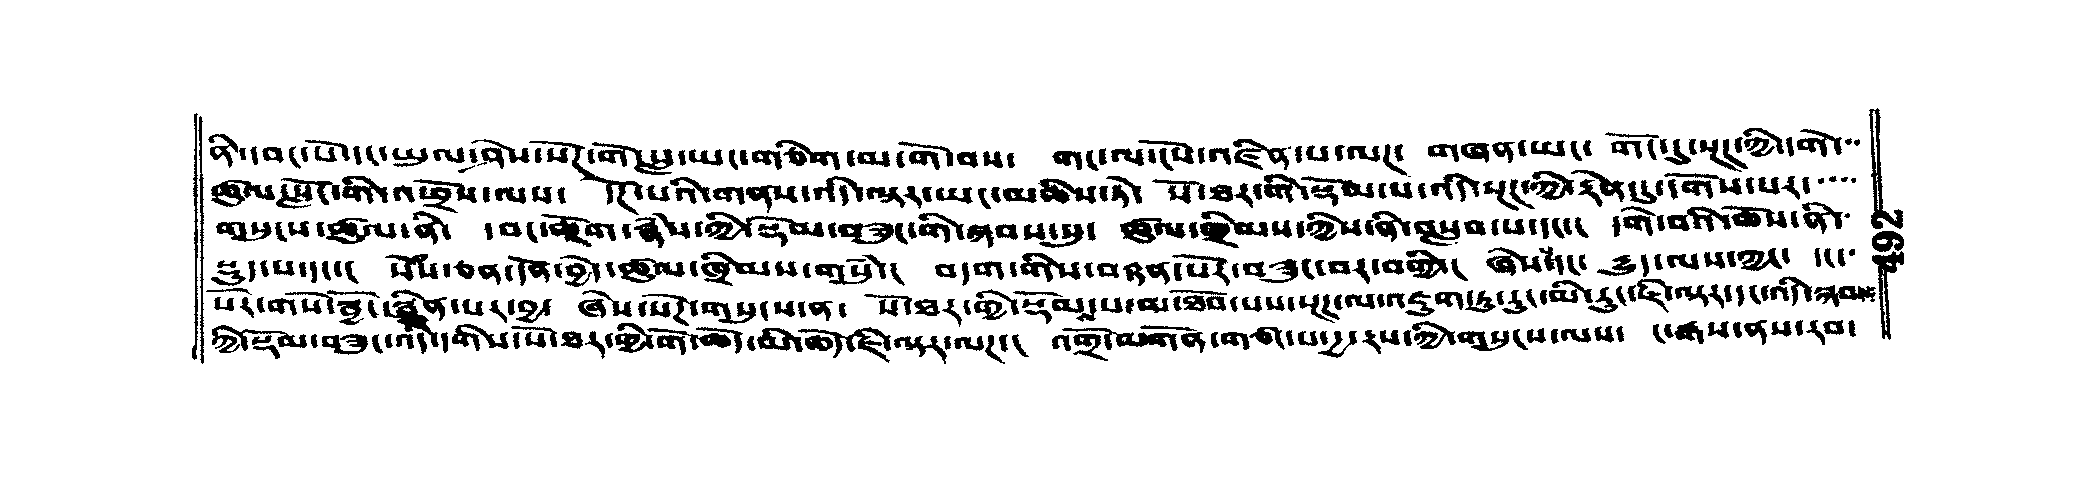ནི་དབང་པོ་དང་ཡུལ་ཤེས་སོགས་གོ་སླ་ཡང་གཅིག་མ་གོ་བས། གང་ལ་ངོས་འཛིན་པ་ལགས། གཞན་ཡང་། གོང་དུ་སྔགས་ཀྱི་དགེ་
ཚུལ་སློང་གི་འཕྲོས་ལས་དོགས་པའི་གནས་འདི་ལྟར་ཡང་མཆིས་ཏེ། སོ་ཐར་གྱི་སྡོམ་པ་འདི་སྔགས་ཀྱི་རྟེན་དུ་དགོས་པར་
གསུངས་ཚུལ་ནི། དབང་ཆོག་རྣམས་ཀྱི་སྡོམ་བཟུང་གི་སྐབས་སུ། ཚུལ་ཁྲིམས་ཀྱིས་ནི་བསླབ་པ་དང་། །དགེ་བའི་ཆོས་ནི
སྡུད་པ་དང་། །སེམས་ཅན་དོན་བྱེད་ཚུལ་ཁྲིམས་གསུམ། །བདག་གིས་བརྟན་པོར་བཟུང་བར་བགྱི།ཞེས་པ་དང་། རྒྱུད་ལས་ཀྱང་། དང་
པོར་གསོ་སྦྱོང་སྦྱིན་པར་བྱ། ཞེས་སོགས་གསུངས་ན། སོ་ཐར་གྱི་སྡོམ་པ་མ་ཐོབ་པས་སྔགས་ལ་འཇུག་ཏུ་རུང་མི་རུང་ཇི་ལྟར་དང་འདི་སྐབས་
ཀྱི་སྡོམ་བཟུང་འདི་དག་གིས་སོ་ཐར་གྱི་གོ་ཆོད་མི་ཆོད་ཇི་ལྟར་ལགས། འགྲོ་མགོན་གཙང་པ་རྒྱ་རས་ཀྱི་གསུང་ལས། ང་རྒས་ནས་རབ་